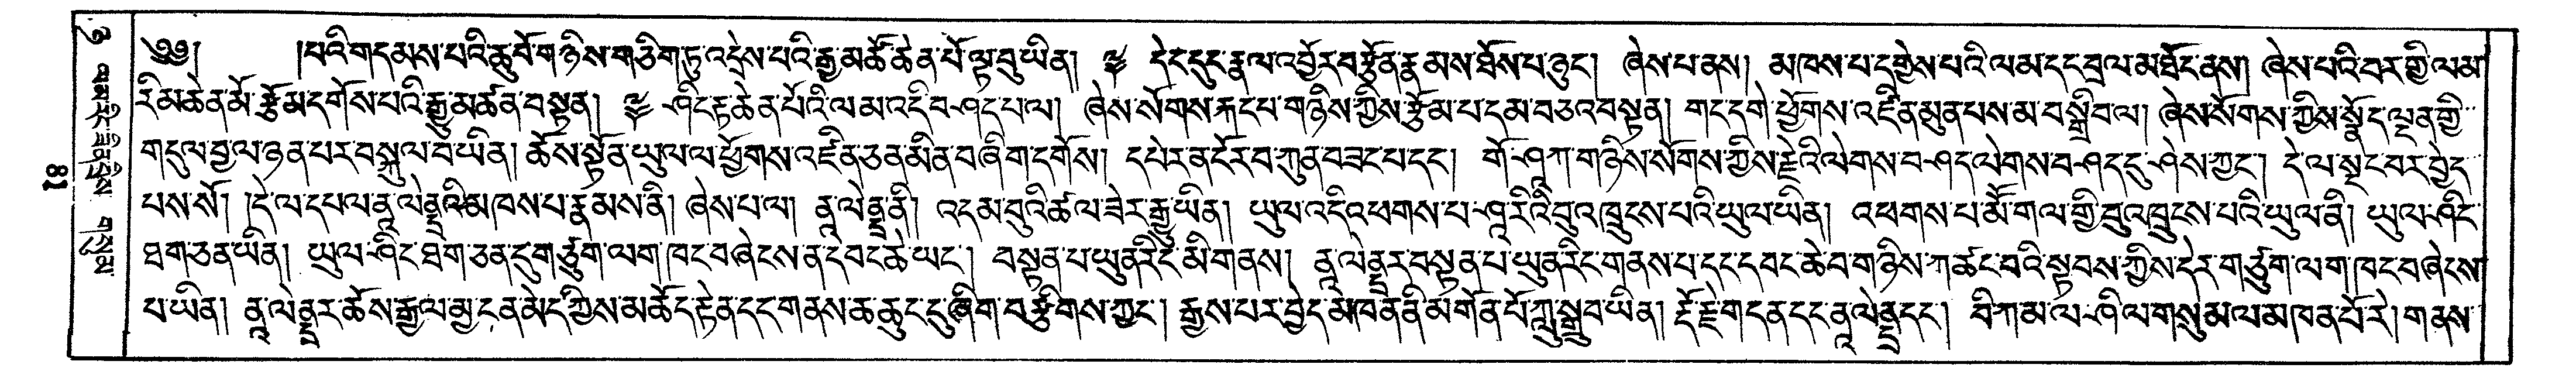༄༅། །པའི་གདམས་པའི་ཆུ་བོ་གཉིས་གཅིག་ཏུ་འདྲེས་པའི་རྒྱ་མཚོ་ཆེན་པོ་ལྟ་བུ་ཡིན། ༈ དེང་དུང་རྣལ་འབྱོར་བརྩོན་རྣམས་ཐོས་པ་ཉུང་། ཞེས་པ་ནས། མཁས་པ་དགྱེས་པའི་ལམ་དང་བྲལ་མཐོང་ནས། ཞེས་པའི་བར་གྱི་ལམ་
རིམ་ཆེན་མོ་རྩོམ་དགོས་པའི་རྒྱུ་མཚན་བསྟན། ༈ ཤིང་རྟ་ཆེན་པོའི་ལམ་འདི་བཤད་པ་ལ། ཞེས་སོགས་རྐང་བ་གཉིས་ཀྱིས་རྩོམ་པ་དམ་བཅའ་བསྟན། གང་དག་ཕྱོགས་འཛིན་མུན་པས་མ་བསྒྲིབ་ལ། ཞེས་སོགས་ཀྱིས་སྣོད་ལྡན་གྱི་
གདུལ་བྱ་ལ་ཉན་པར་བསྐུལ་བ་ཡིན། ཆོས་སྟོན་ཡུལ་ལ་ཕྱོགས་འཛིན་ཅན་མིན་པ་ཞིག་དགོས། དཔེར་ན་ངོར་བ་ཀུན་བཟང་པ་དང་། གོ་ཤཱཀྱ་གཉིས་སོགས་ཀྱིས་རྗེའི་ལེགས་བཤད་ལེགས་བཤད་དུ་ཤེས་ཀྱང་། དེ་ལ་སྡང་བར་བྱེད་
པས་སོ། །དེ་ལ་དཔལ་ནཱ་ལེནྡྲའི་མཁས་པ་རྣམས་ནི། ཞེས་པ་ལ། ནཱ་ལེནྡྲ་ནི། འདམ་བུའི་ཚལ་ཟེར་རྒྱུ་ཡིན། ཡུལ་འདི་འཕགས་བ་ཤཱ་རིའི་བུ་འཁྲུངས་པའི་ཡུལ་ཡིན། འཕགས་པ་མཽ་གལ་གྱི་བུ་འཁྲུངས་པའི་ཡུལ་ནི། ཡུལ་ཤིང་
ཐག་ཅན་ཡིན། ཡུལ་ཤིང་ཐག་ཅན་དུ་གཙུག་ལག་ཁང་བཞེངས་ན་དབང་ཆེ་ཡང་། བསྟན་པ་ཡུན་རིང་མི་གནས། ནཱ་ལེནྡྲར་བསྟན་པ་ཡུན་རིང་གནས་པ་དང་དབང་ཆེ་བ་གཉིས་ཀ་ཚང་བའི་སྟབས་ཀྱིས་དེར་གཙུག་ལག་ཁང་བཞེངས་
པ་ཡིན། ནཱ་ལེནྡྲར་ཆོས་རྒྱལ་མྱ་ངན་མེད་ཀྱིས་མཆོད་རྟེན་དང་གནས་ཆ་ཆུང་དུ་ཞིག་བརྩིགས་ཀྱང་། རྒྱས་པར་བྱེད་མཁན་ནི་མགོན་པོ་ཀླུ་སྒྲུབ་ཡིན། རྡོ་རྗེ་གདན་དང་ནཱ་ལེནྡྲ་དང་། བི་ཀ་མ་ལ་ཤཱི་ལ་གསུམ་ལ་མཁན་པོ་རེ། གནས་